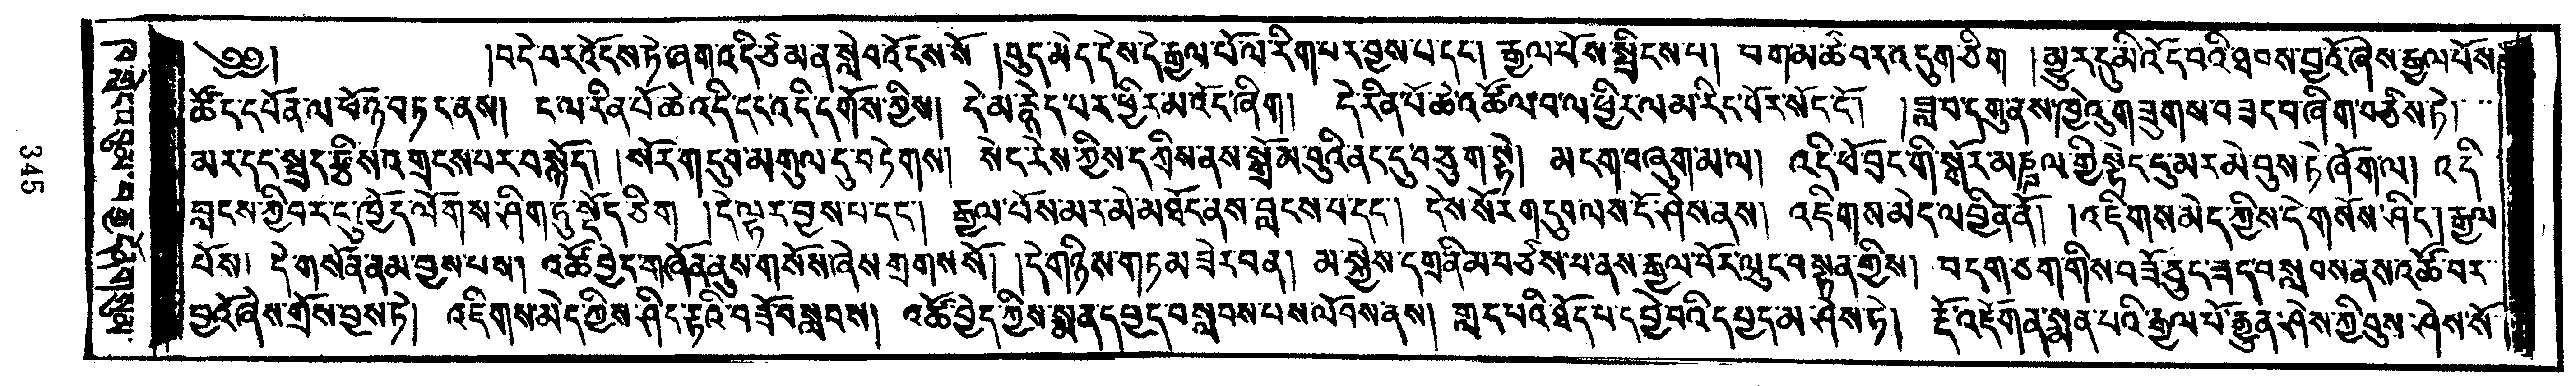༄༅། །བདེ་བར་འོངས་ཏེ་ཞག་འདི་ཙམ་ན་སླེབ་འོངས་སོ། །བུད་མེད་དེས་དེ་རྒྱལ་པོ་ལ་རིག་པར་བྱས་པ་དང་། རྒྱལ་པོས་སྤྲིངས་པ། བག་མ་ཚ་བར་འདུག་ཅིག །མྱུར་དུ་མི་འོད་བའི་ཐབས་བྱའོ་ཞེས་རྒྱལ་པོས་
ཚོང་དཔོན་ལ་ཕོ་ཉ་བཏང་ནས། ང་ལ་རིན་པོ་ཆེ་འདི་དང་འདི་དགོས་ཀྱིས། དེ་མ་རྙེད་པར་ཕྱིར་མ་འོང་ཞིག། དེ་རིན་པོ་ཆེ་འཚོལ་བ་ལ་ཕྱིར་ལམ་རིང་བོར་སོང་ངོ། །ཟླ་བ་དགུ་ནས་ཁྱེའུ་གཟུགས་བཟང་བ་ཞིག་བཅིས་ཏེ།
མར་དང་སྦྲད་རྩིས་འགྲངས་པར་བསྙོད། །སོར་གདུབ་མགུལ་དུ་བཏེགས། སེང་རེས་ཀྱིས་དཀྲིས་ནས་སྒྲོམ་བུའི་ནང་དུ་བཅུག་སྟེ། མངག་བཞུག་མ་ལ། འདི་ཕོ་བྲང་གི་སྒོར་མཎྜལ་གྱི་སྟེང་དུ་མར་མེ་བུས་ཏེ་ཞོག་ལ། འདི་
བླངས་ཀྱི་བར་དུ་ཁྱོད་ལོགས་ཤིག་ཏུ་སྡོད་ཅིག །དེ་ལྟར་བྱས་པ་དང་། རྒྱལ་པོས་མར་མེ་མཐོང་ནས་བླངས་པ་དང་། དེས་སོར་གདུབ་ལས་ངོ་ཤེས་ནས། འཇིགས་མེད་ལ་བྱིན་ནོ། །འཇིགས་མེད་ཀྱིས་དེ་གསོས་ཤིང་། རྒྱལ་
པོས། དེ་གསོན་ནམ་བྱས་པས། འཚོ་བྱེད་གཞོན་ནུས་གསོས་ཞེས་གྲགས་སོ། །དེ་གཉིས་གཏམ་ཟེར་བན། མ་སྐྱེས་དགྲ་ནི་མ་བཙས་པ་ནས་རྒྱལ་པོར་ལུང་བསྟན་གྱིས། བདག་ཅག་གིས་བཟོ་ཅུང་ཟད་བསླབས་ནས་འཚོ་བར་
བྱའོ་ཞེས་གྲོས་བྱས་ཏེ། འཇིགས་མེད་ཀྱིས་ཤིང་རྟའི་བཟོ་བསླབས། འཚོ་བྱེད་ཀྱིས་སྨན་དབྱད་བསླབས་པས་ལོབས་ནས། གླང་བའི་ཐོད་པ་དབྱེ་བའི་དཔྱད་མ་ཤེས་ཏེ། རྡོ་འཇོག་ན་སྨན་པའི་རྒྱལ་པོ་རྒྱུན་ཤེས་ཀྱི་བུས་ཤེས་སོ་